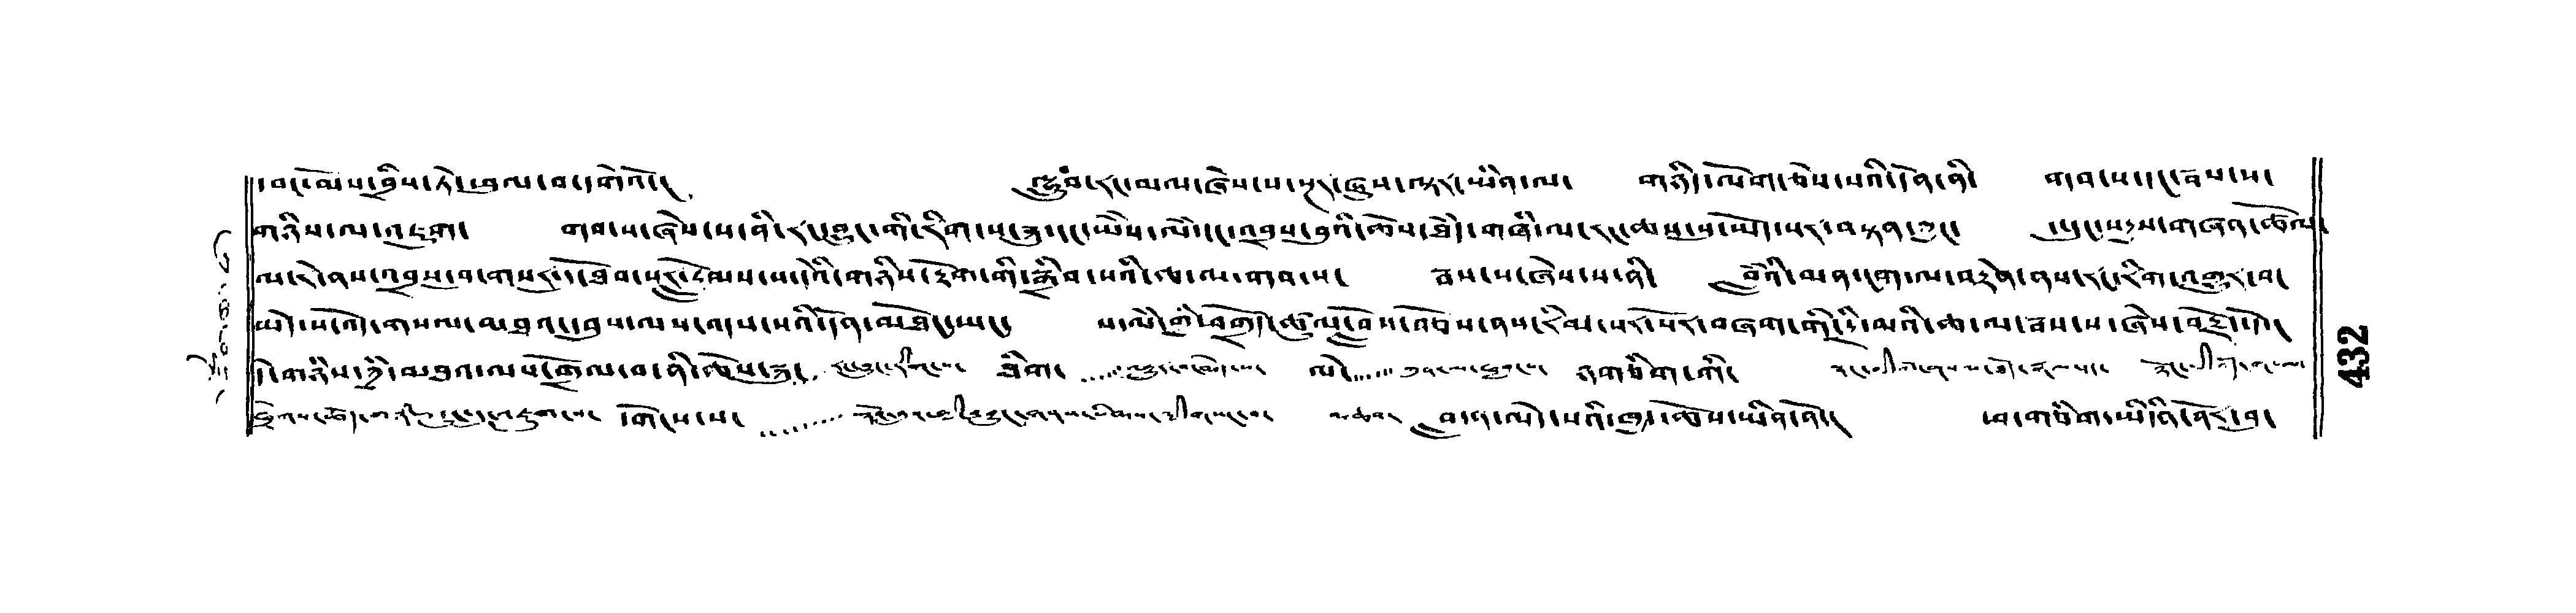དབང་མོས་བྲིས་ཏེ་ཕུལ་བ་དགེའོ།། ལྷུན་གྲུབ་རང་མལ་ཞེས་པ་སྔར་ཞུས་ལྟར་ཡིན་ལ། གཉིད་ལོག་ཅེས་པའི་དོན་ནི། གབ་པ་དང་སྦས་པ་
གཉིས་ལ་འཇུག གབ་པ་ཞེས་པ་ནི་རང་བྱུང་གི་རིག་པ་སྐུ་དང་ཡེ་ཤེས་ལམ་དང་འབྲས་བུའི་ཆོས་ཐམས་ཅད་གཞི་ལ་རང་ཆས་སུ་ཡོད་པར་བསྟན་ཀྱང་། ད་དུང་སངས་རྒྱས་གཞན་ཚོལ་
ལ་རེ་ནས་འབྲས་བུ་གསར་དུ་ཐོབ་པར་རློམས་པ་དེའི་གཉིས་རྟོག་གི་སྒྲིབ་པའི་ཆ་ལ་གབ་པ། སྦས་པ་ཞེས་པ་ནི། བླ་མའི་མན་ངག་ལ་བརྟེན་ནས་རང་རིག་འགྱུར་བ་
མེད་པ་འོད་གསལ་མཐའ་དབུས་ལས་འདས་པའི་དོན་མཐོང་ཡང་། ས་ལམ་གྱི་བགྲོད་ཚུལ་བློས་བཅོས་ནས་རིམ་པར་སོར་བཞག་གི་དྲི་མའི་ཆ་ལ་སྦས་པ་ཞེས་བརྗོད་དོ། 
དེ་གཉིས་ཀྱི་མཐའ་ལས་གྲོལ་བ་ནི་ཆོས་སྐུ་ཐིག་ལེ་ཉག་གཅིག་གི་དགོངས་པ་བླ་ན་མེད་པའི་ཁྱད་ཆོས་ཡིན་ནོ།ཕ་གཅིག་ཡིད་བཞིན་ནོར་བུ་